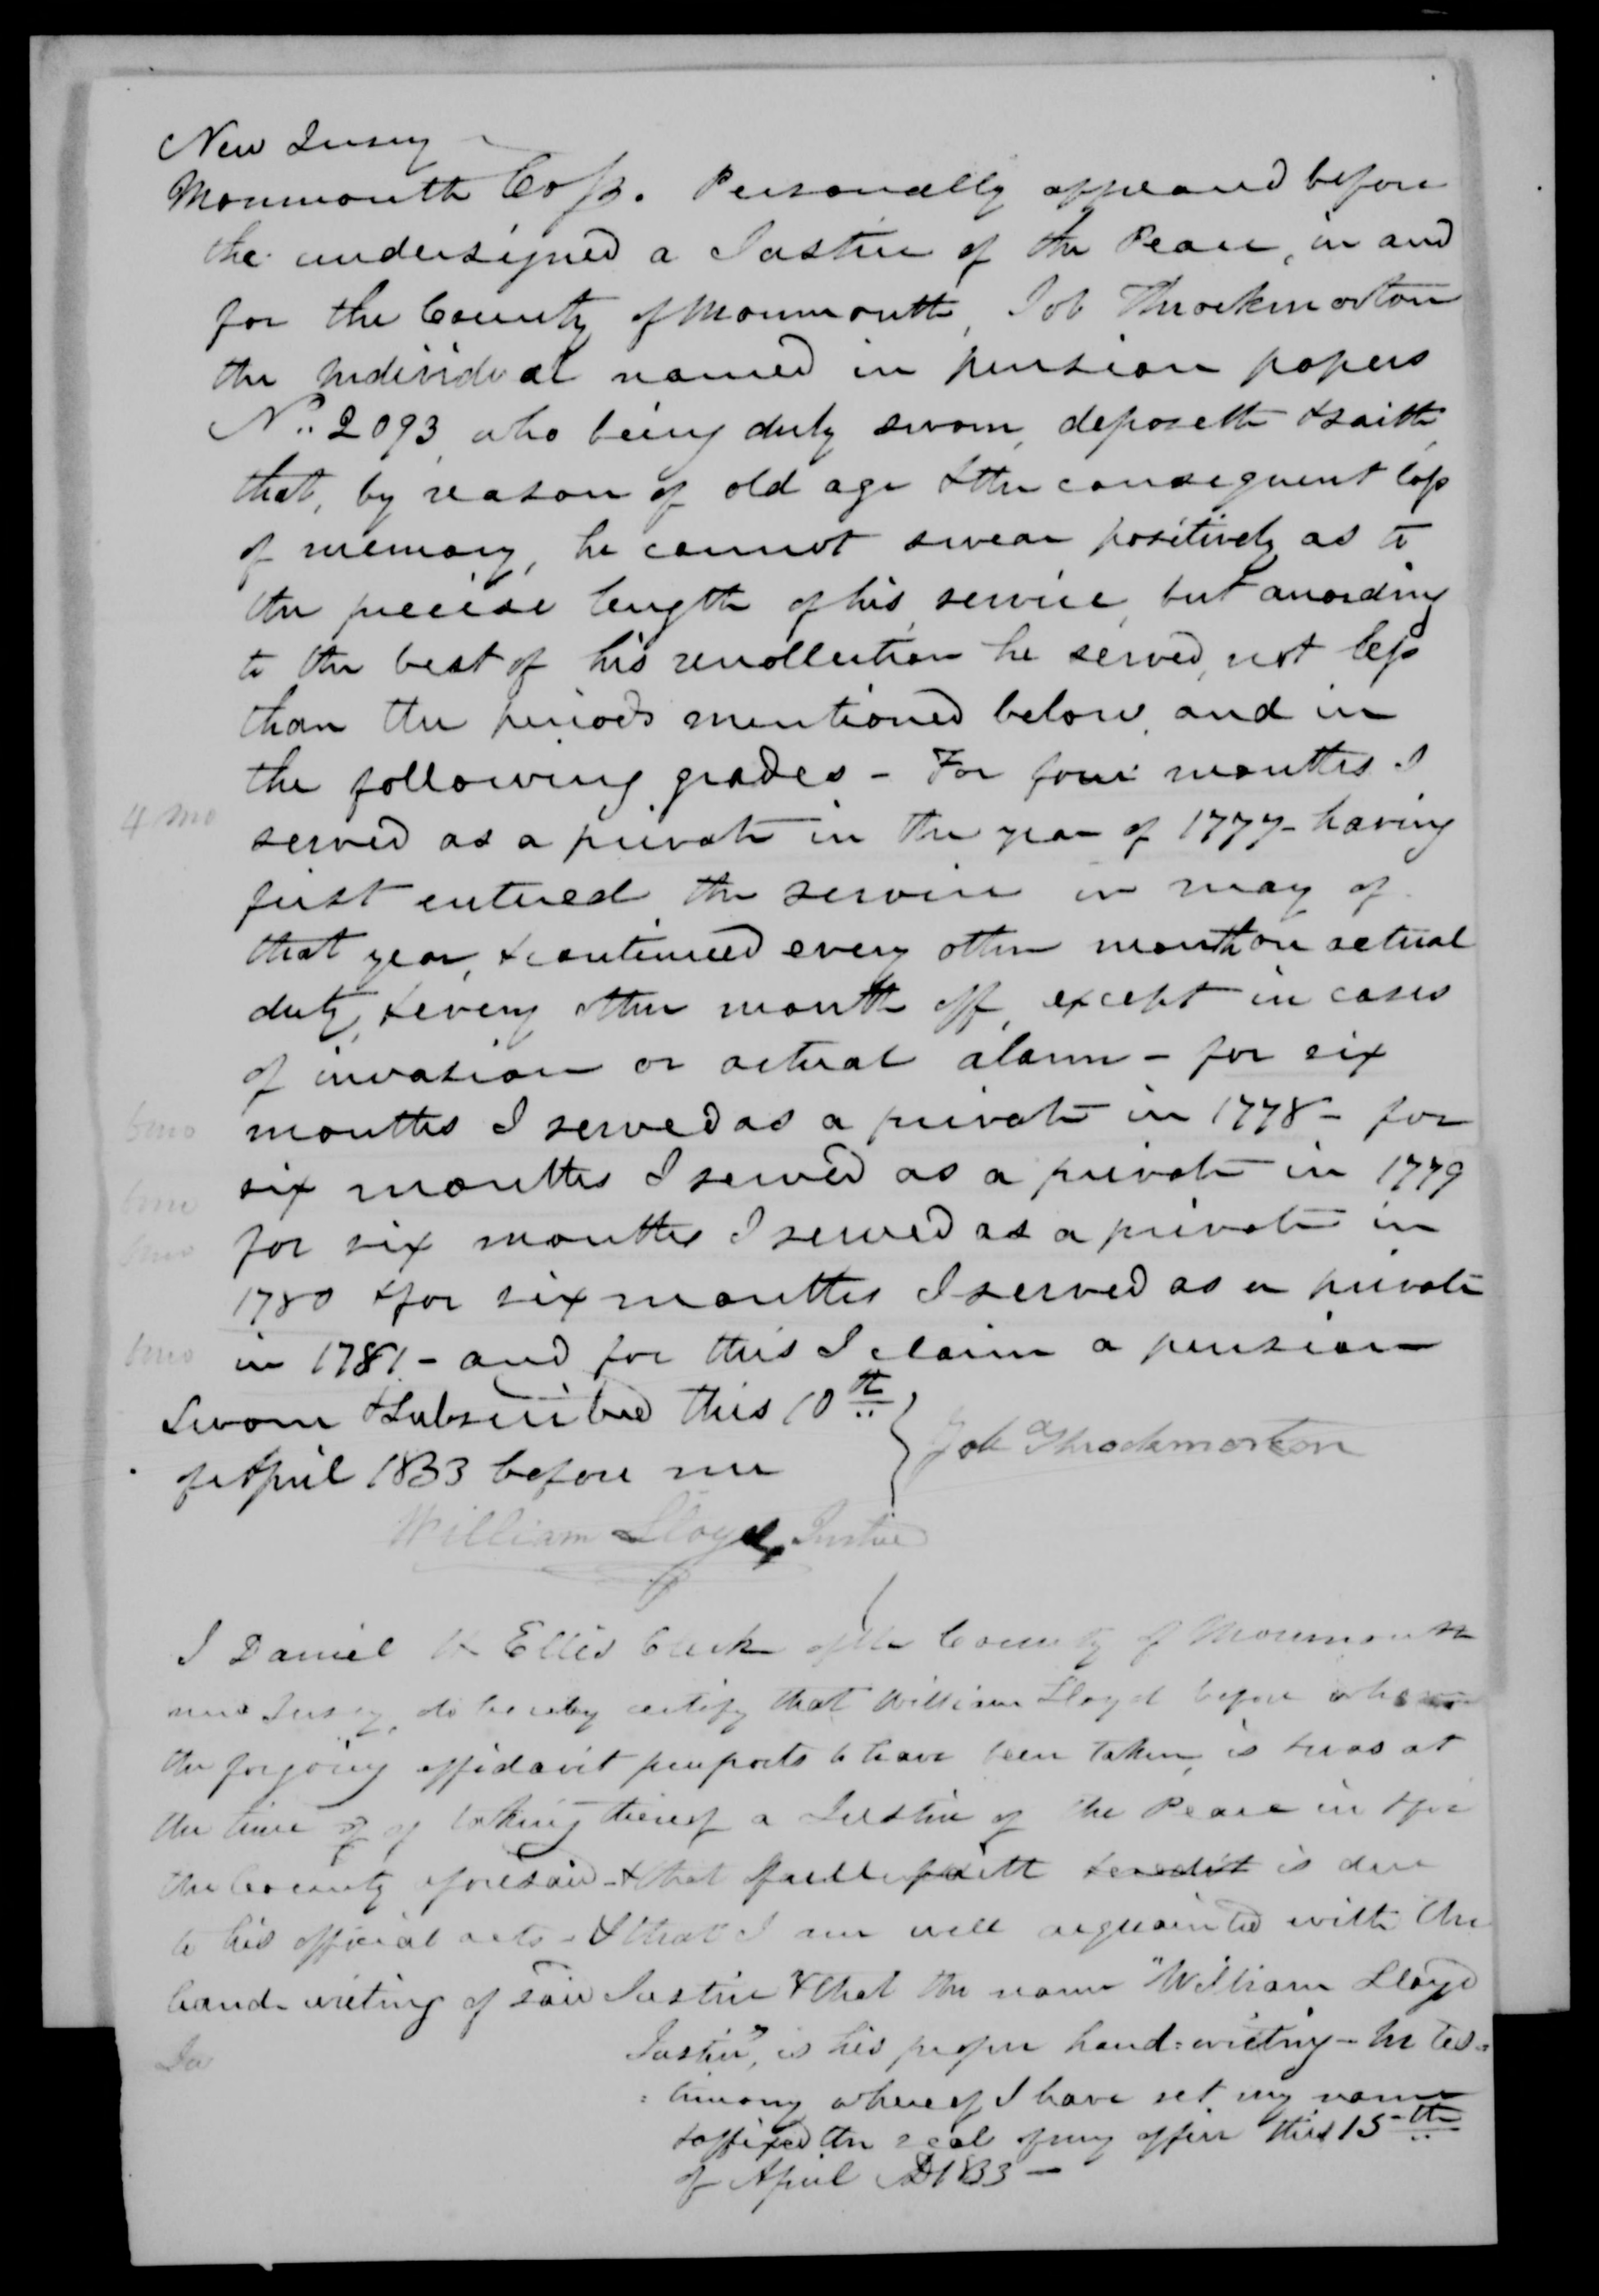New Jersey
Monmouth Co. I personally appeared before the undersigned a Justice of the Peace, in and for the County of Monmouth, Job Throckmorton the individual named in [illegible] papers N. 2093 who being duly sworn, deposeth and saith that by reason of old age and the consequent lapse of memory, he cannot swear positively as to the precise length of his service, but according to the best of his recollection he served, no less than the periods mentioned below, and in the following grades- For four months, I served as a private in the year of 1777-having first entered the service in May of that year, and continued every other month on actual duty, having every other month off, except in cases of invasion or actual alarm- for six months I served as a private in 1778- for six months I served as a private in 1779 for six months I served as a private in 1780 and for six months I served as a private in 1781- for for this I claim a pension. Job Throckmorton. Sworn and subscribed this 10th day of April 1833 before me. 
William Lloyd, Justice
I, Daniel A Ellis Clerk of the Court of Monmouth New Jersey do hereby certify that William Lloyd before whom the forgoing affidavit purports to have been taken is and was at the time of the taking thereof a Justice of the Peace in the County aforesaid and that full faith is due to his official act. and that I am well acquainted with the hand writing of siad Justice and that the name “William Lloyd Justice”, is his proper handwriting. in testimony whereof I have set my name and affixed the seal of my office this 15th of April AD 1833.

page: 12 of 14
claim: survivor's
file: S. 764, for Job Throckmorton, New Jersey